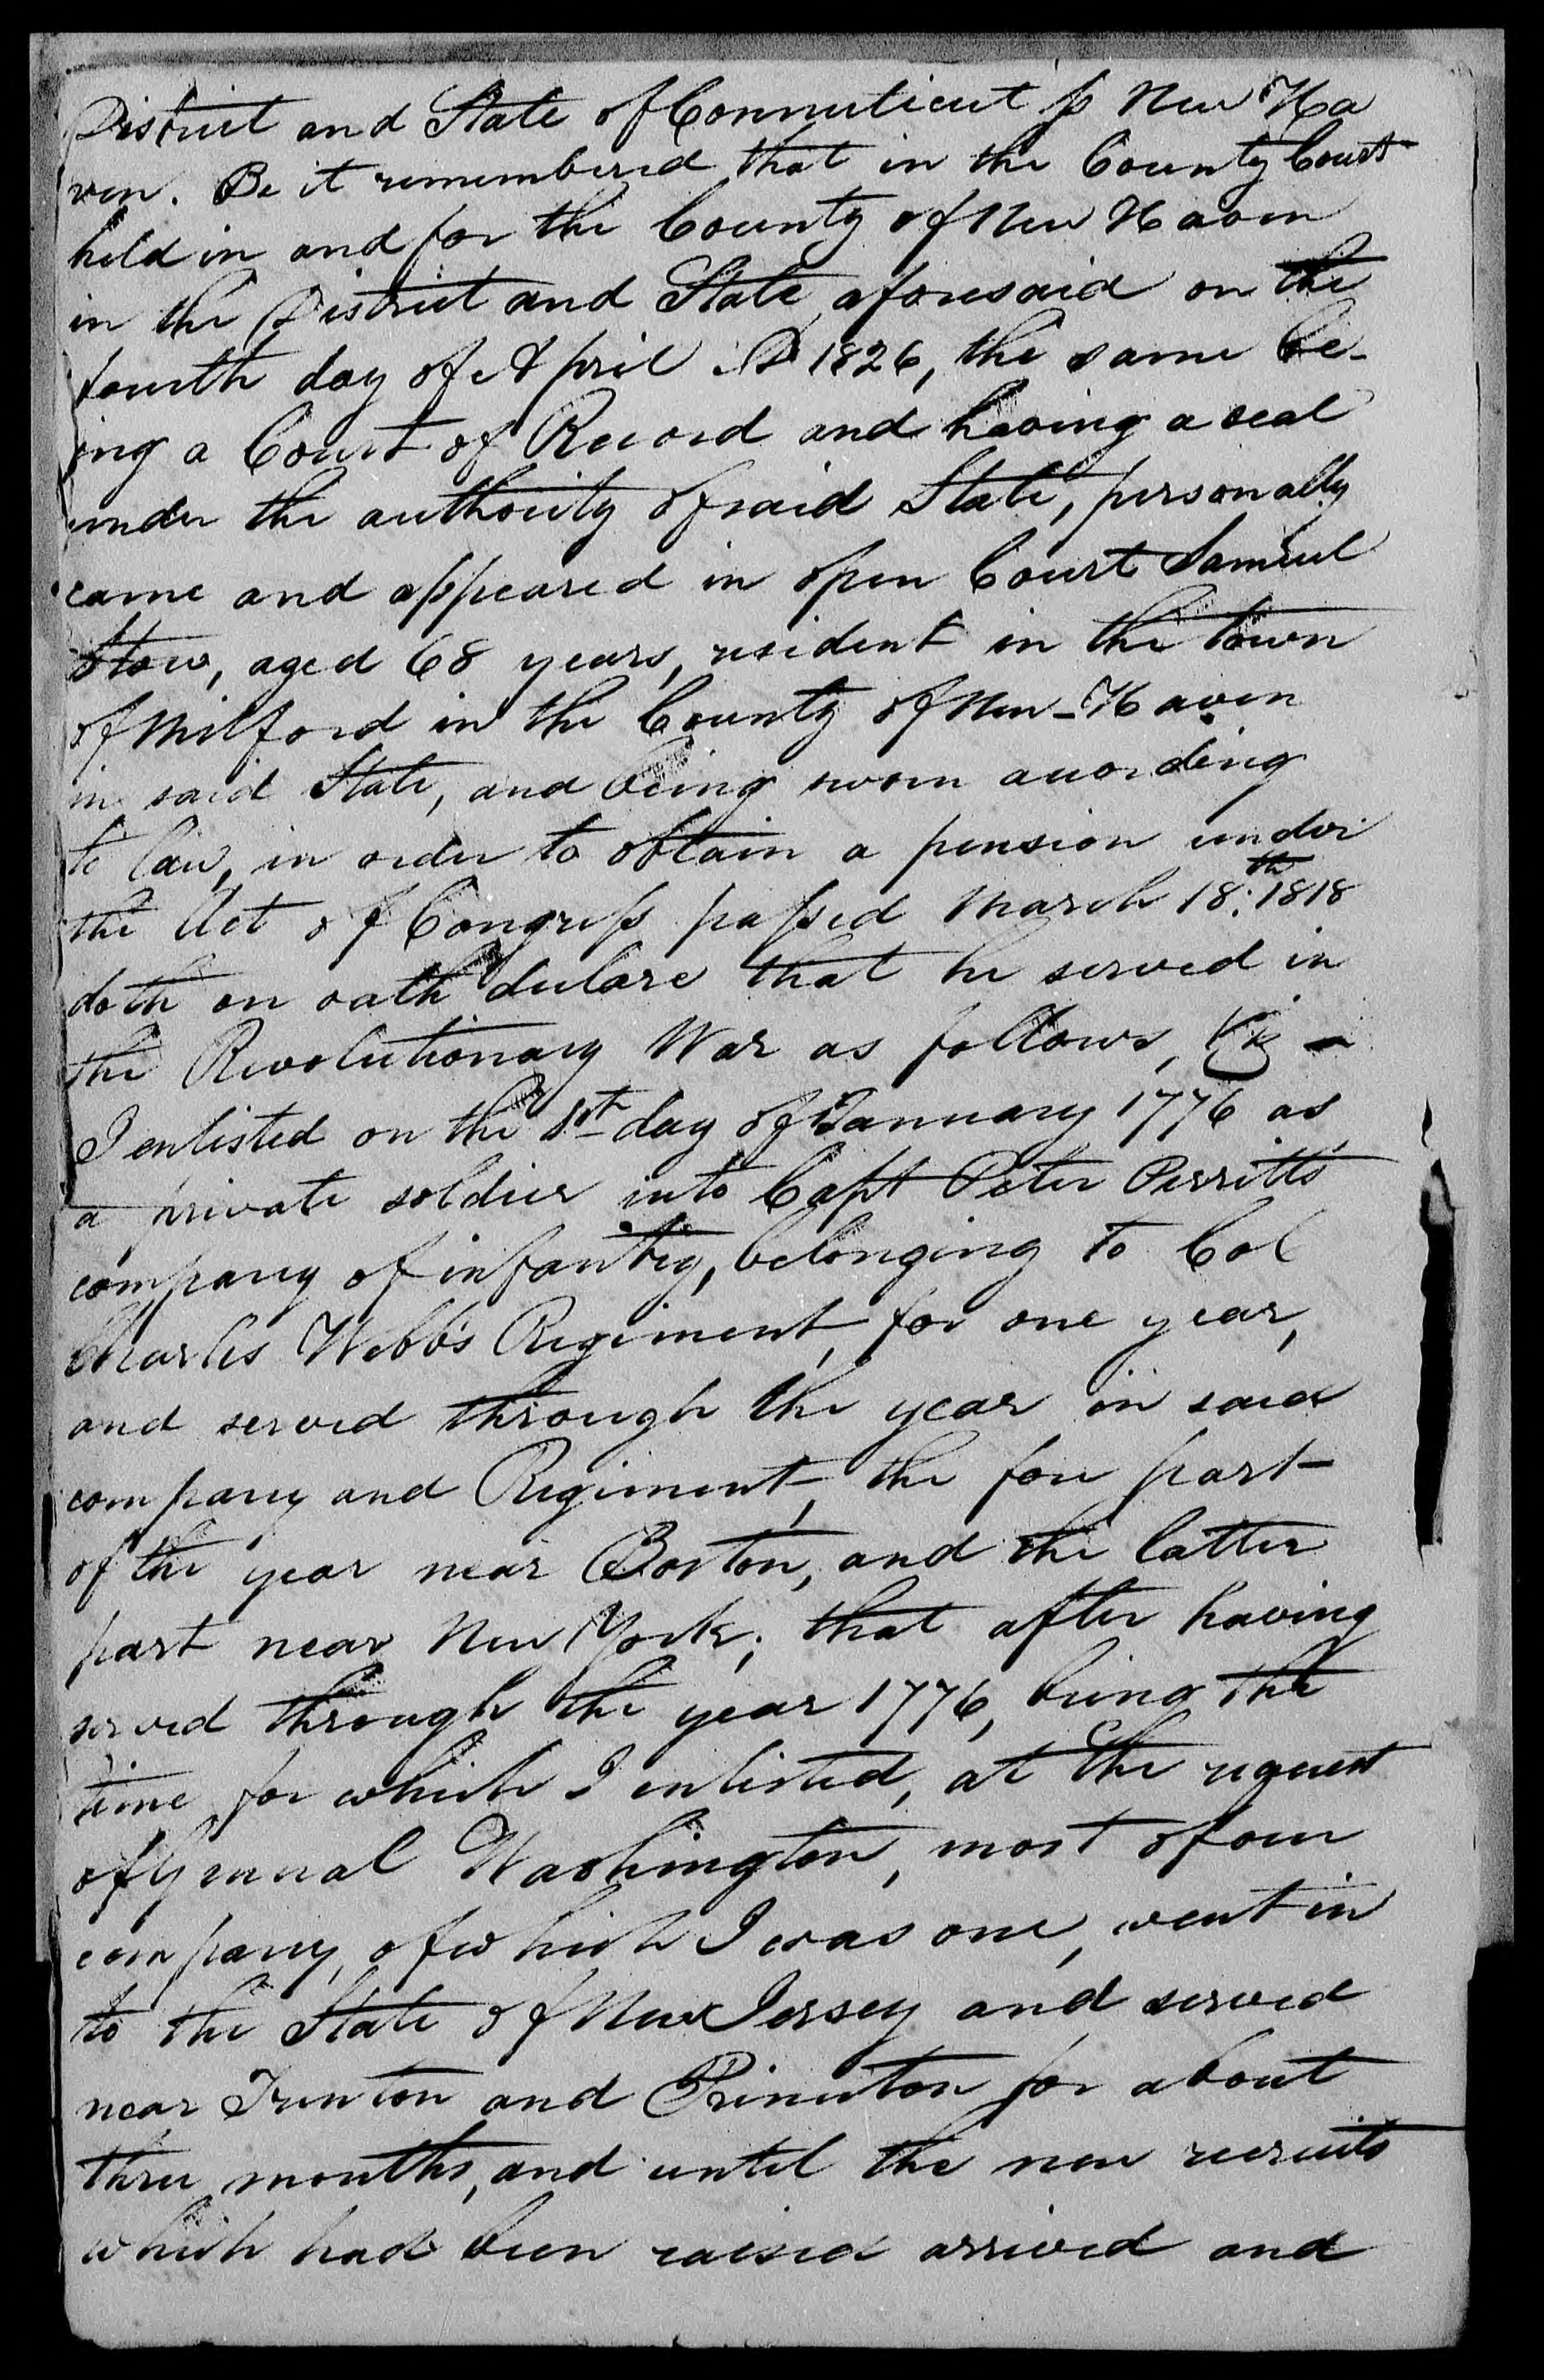District and State of Connecticut } ss:
New Haven
Be it remembered that in the County Court
held in and for the County of New Haven
in the District and State aforesaid on the
fourth day of April AD 1826, the same being a Court of Record and having a seal under the authority of said State, personally came and appeared in open Court Samuel Stow, aged 68 years, resident in the town of Milford in the County of New Haven in said State, and being sworn according to law, in order to obtain a pension under the Act of Congress passed March 18th 1818, doth on oath declare that he served in the Revolutionary War as follows, viz.-  I enlisted on the 1st day of January 1776 as a private soldier into Capt Peter Perritt's
company of infantry belonging to Col. Charles Webb's Regiment, for one year, and served through the year in said company and Regiment, the fore part of the year near Boston, and the latter part near New York; that after having served through the year 1776, being the  time for which I enlisted, at the request of General Washington, most of our
company, of which I was one, went in to the State of New Jersey and served near Trenton and Princeton for about three months, and until the new recruits which had been raised arrived and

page: 5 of 42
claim: survivor's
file: S. 36,819, for Samuel Stow, Connecticut